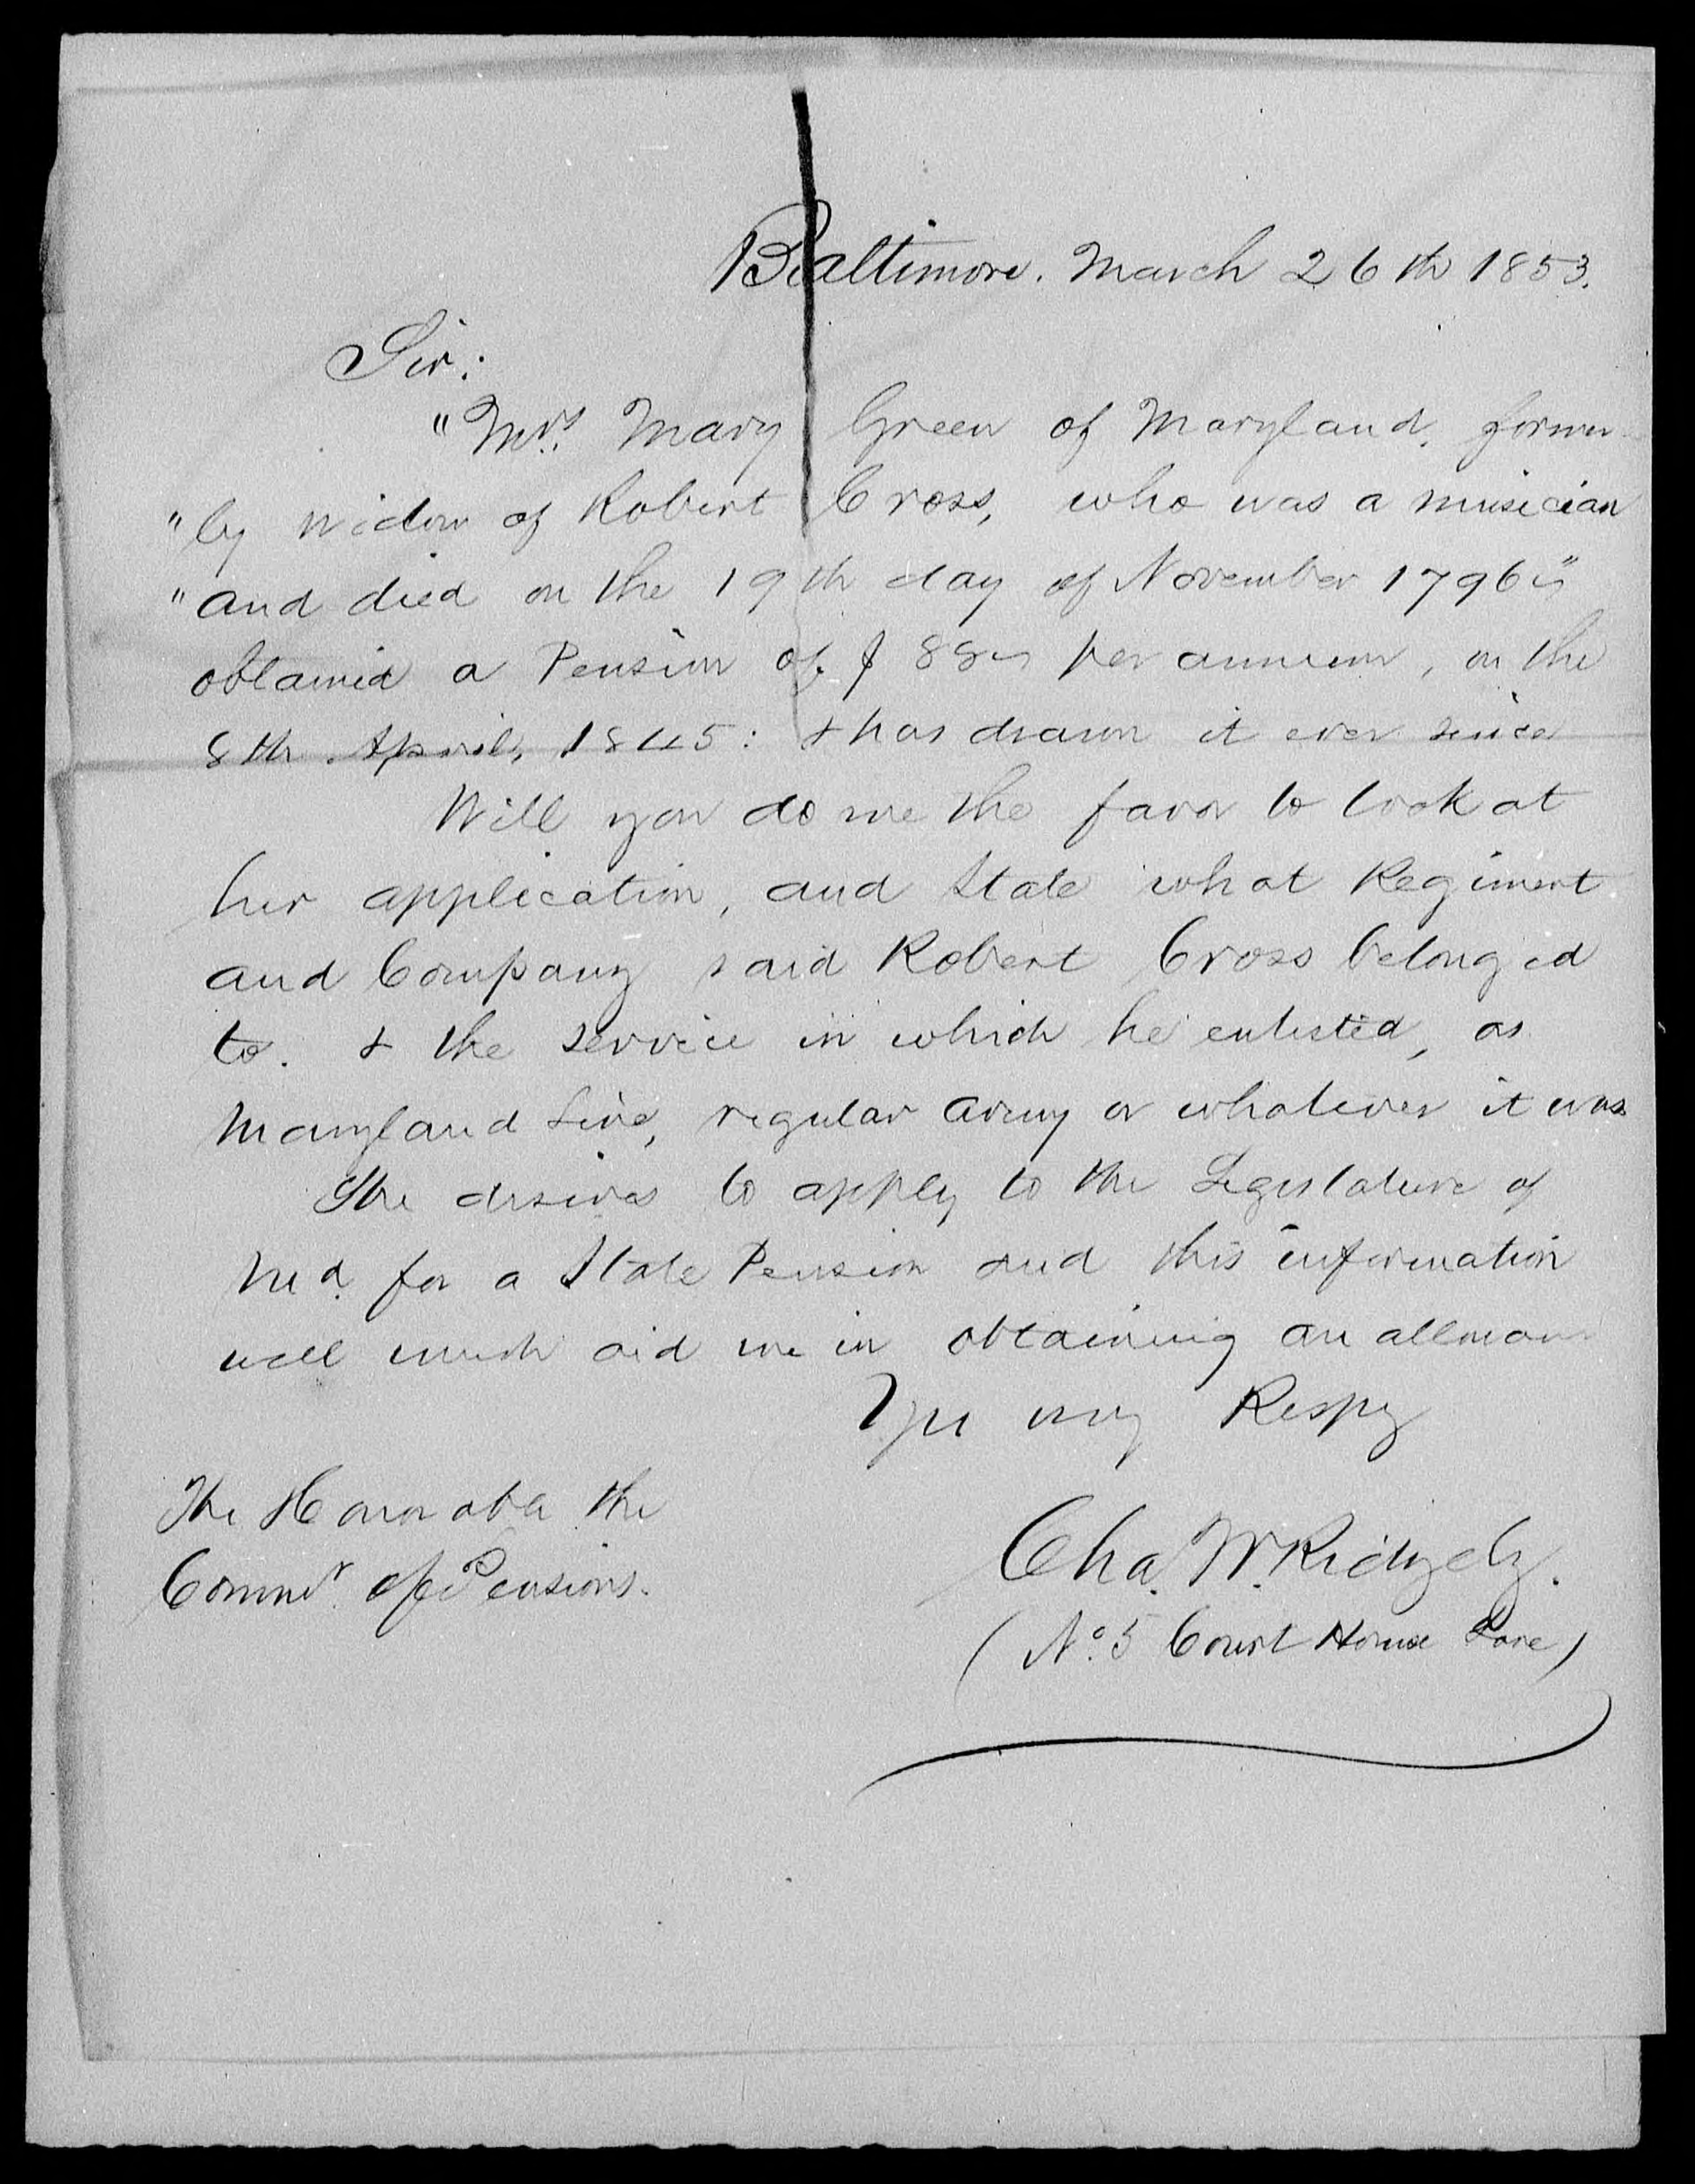Baltimore, March 26th 1853:
Sir:
"Mrs. Mary Green of Maryland, former-''ly widow of Robert Cross, who was a musician ''and died on the 19th day of November 1796'' obtained a Pension of $88~ per annum, on the 8th April, 1845: and has drawn it ever since.
Will you do me the favor to look at her application, and state what Regiment and Company said Robert Cross belonged to + the service in which he enlisted, as Maryland line, regular army or whatever it was.
The desires to apply to the Legislature of Md for a State Pension and this information will much aid me in obtaining an [alimony].
Yours very Respectfully,
Cha. W. Ridgely.
(No. 5 Court House Land)

[bottom left]
The Honorable the
Comm. of Pensions.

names: Chas W Ridgely, Robert Cross, Robert Cross, Mary Green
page: 26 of 26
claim: widow's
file: W 25651, Robert Cross, Md.